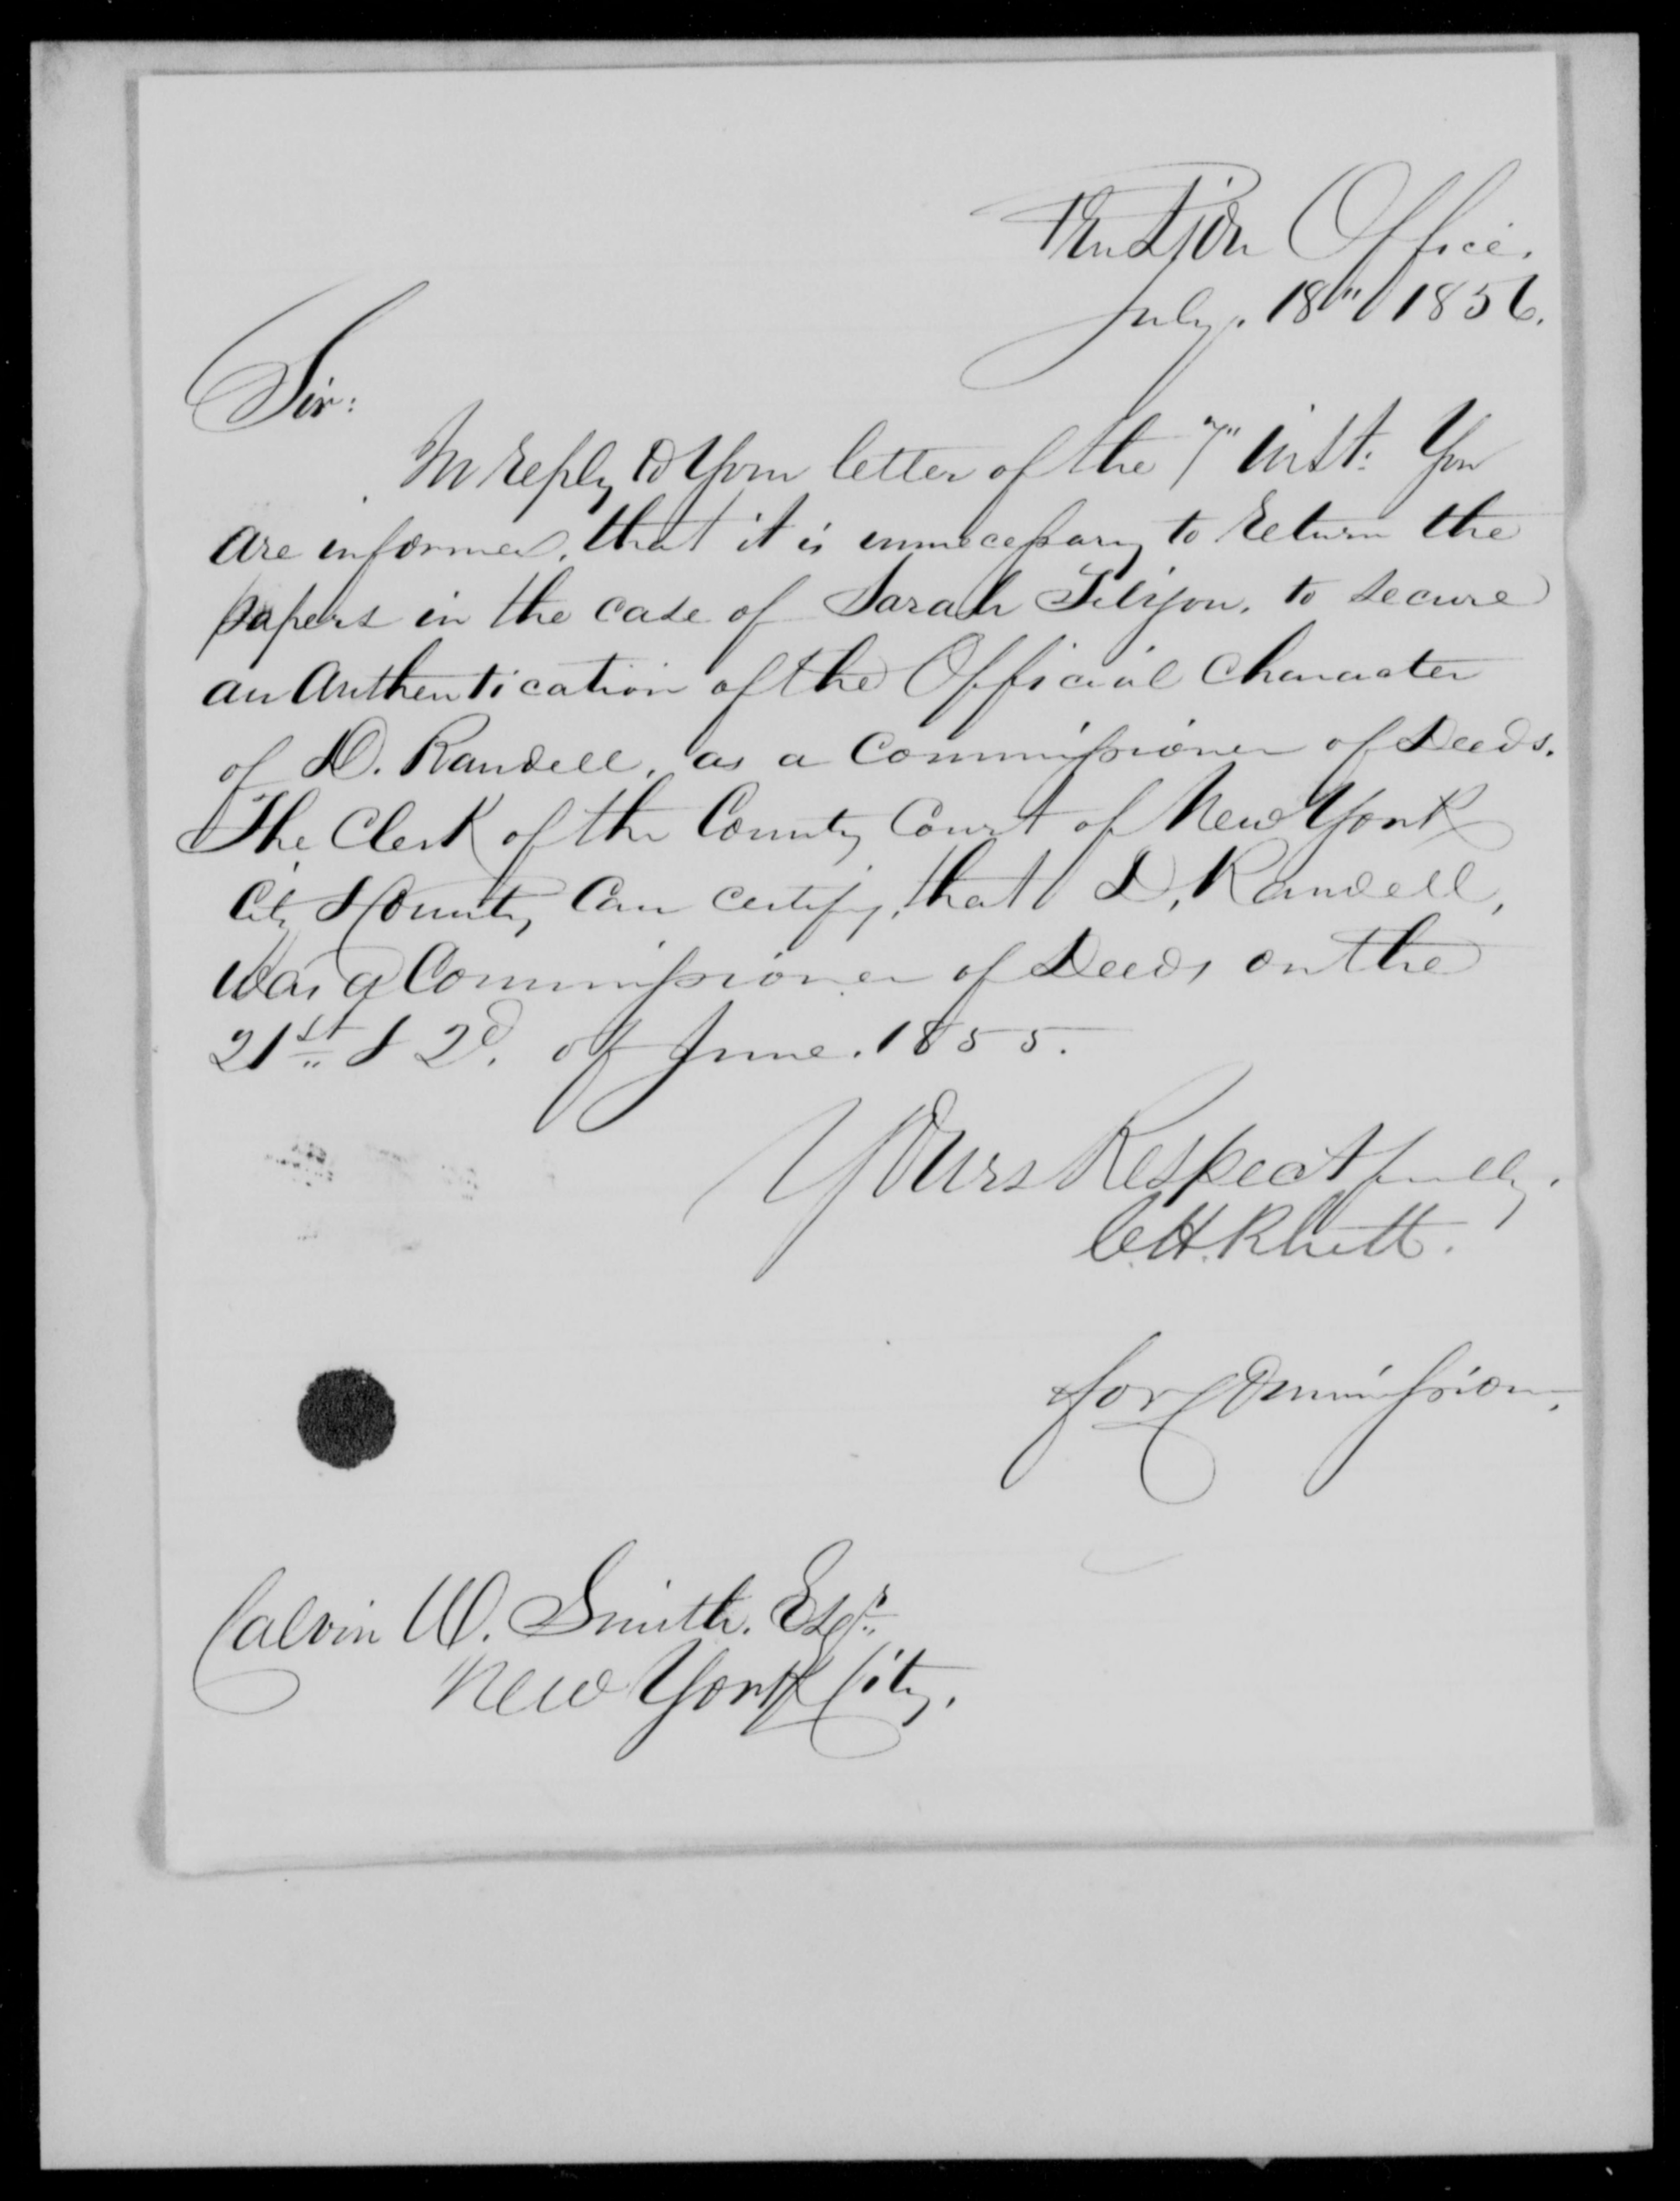The Pion [Pension] Office
July 18th 1856
Sir:
 In reply to your letter of the 7th inst: You are informed that it is  necessary to enter the papers in the case of Sarah Tilyou, to secure an Authentication of the Official character of D. Randell, as a Commissioner of Deeds. The Clerk of the County Court of New York City & County, can certify that D. Randell, was a Commissioner of Deeds on the 21st & 2d of June 1855.
  Yours Respectfully,
 C.H. Rhett
  for Commissioner

Calvin W. Smith, Esqr
 New York City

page: 96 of 101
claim: widow's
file: W. 25481, for Peter V Tilyou, New Jersey